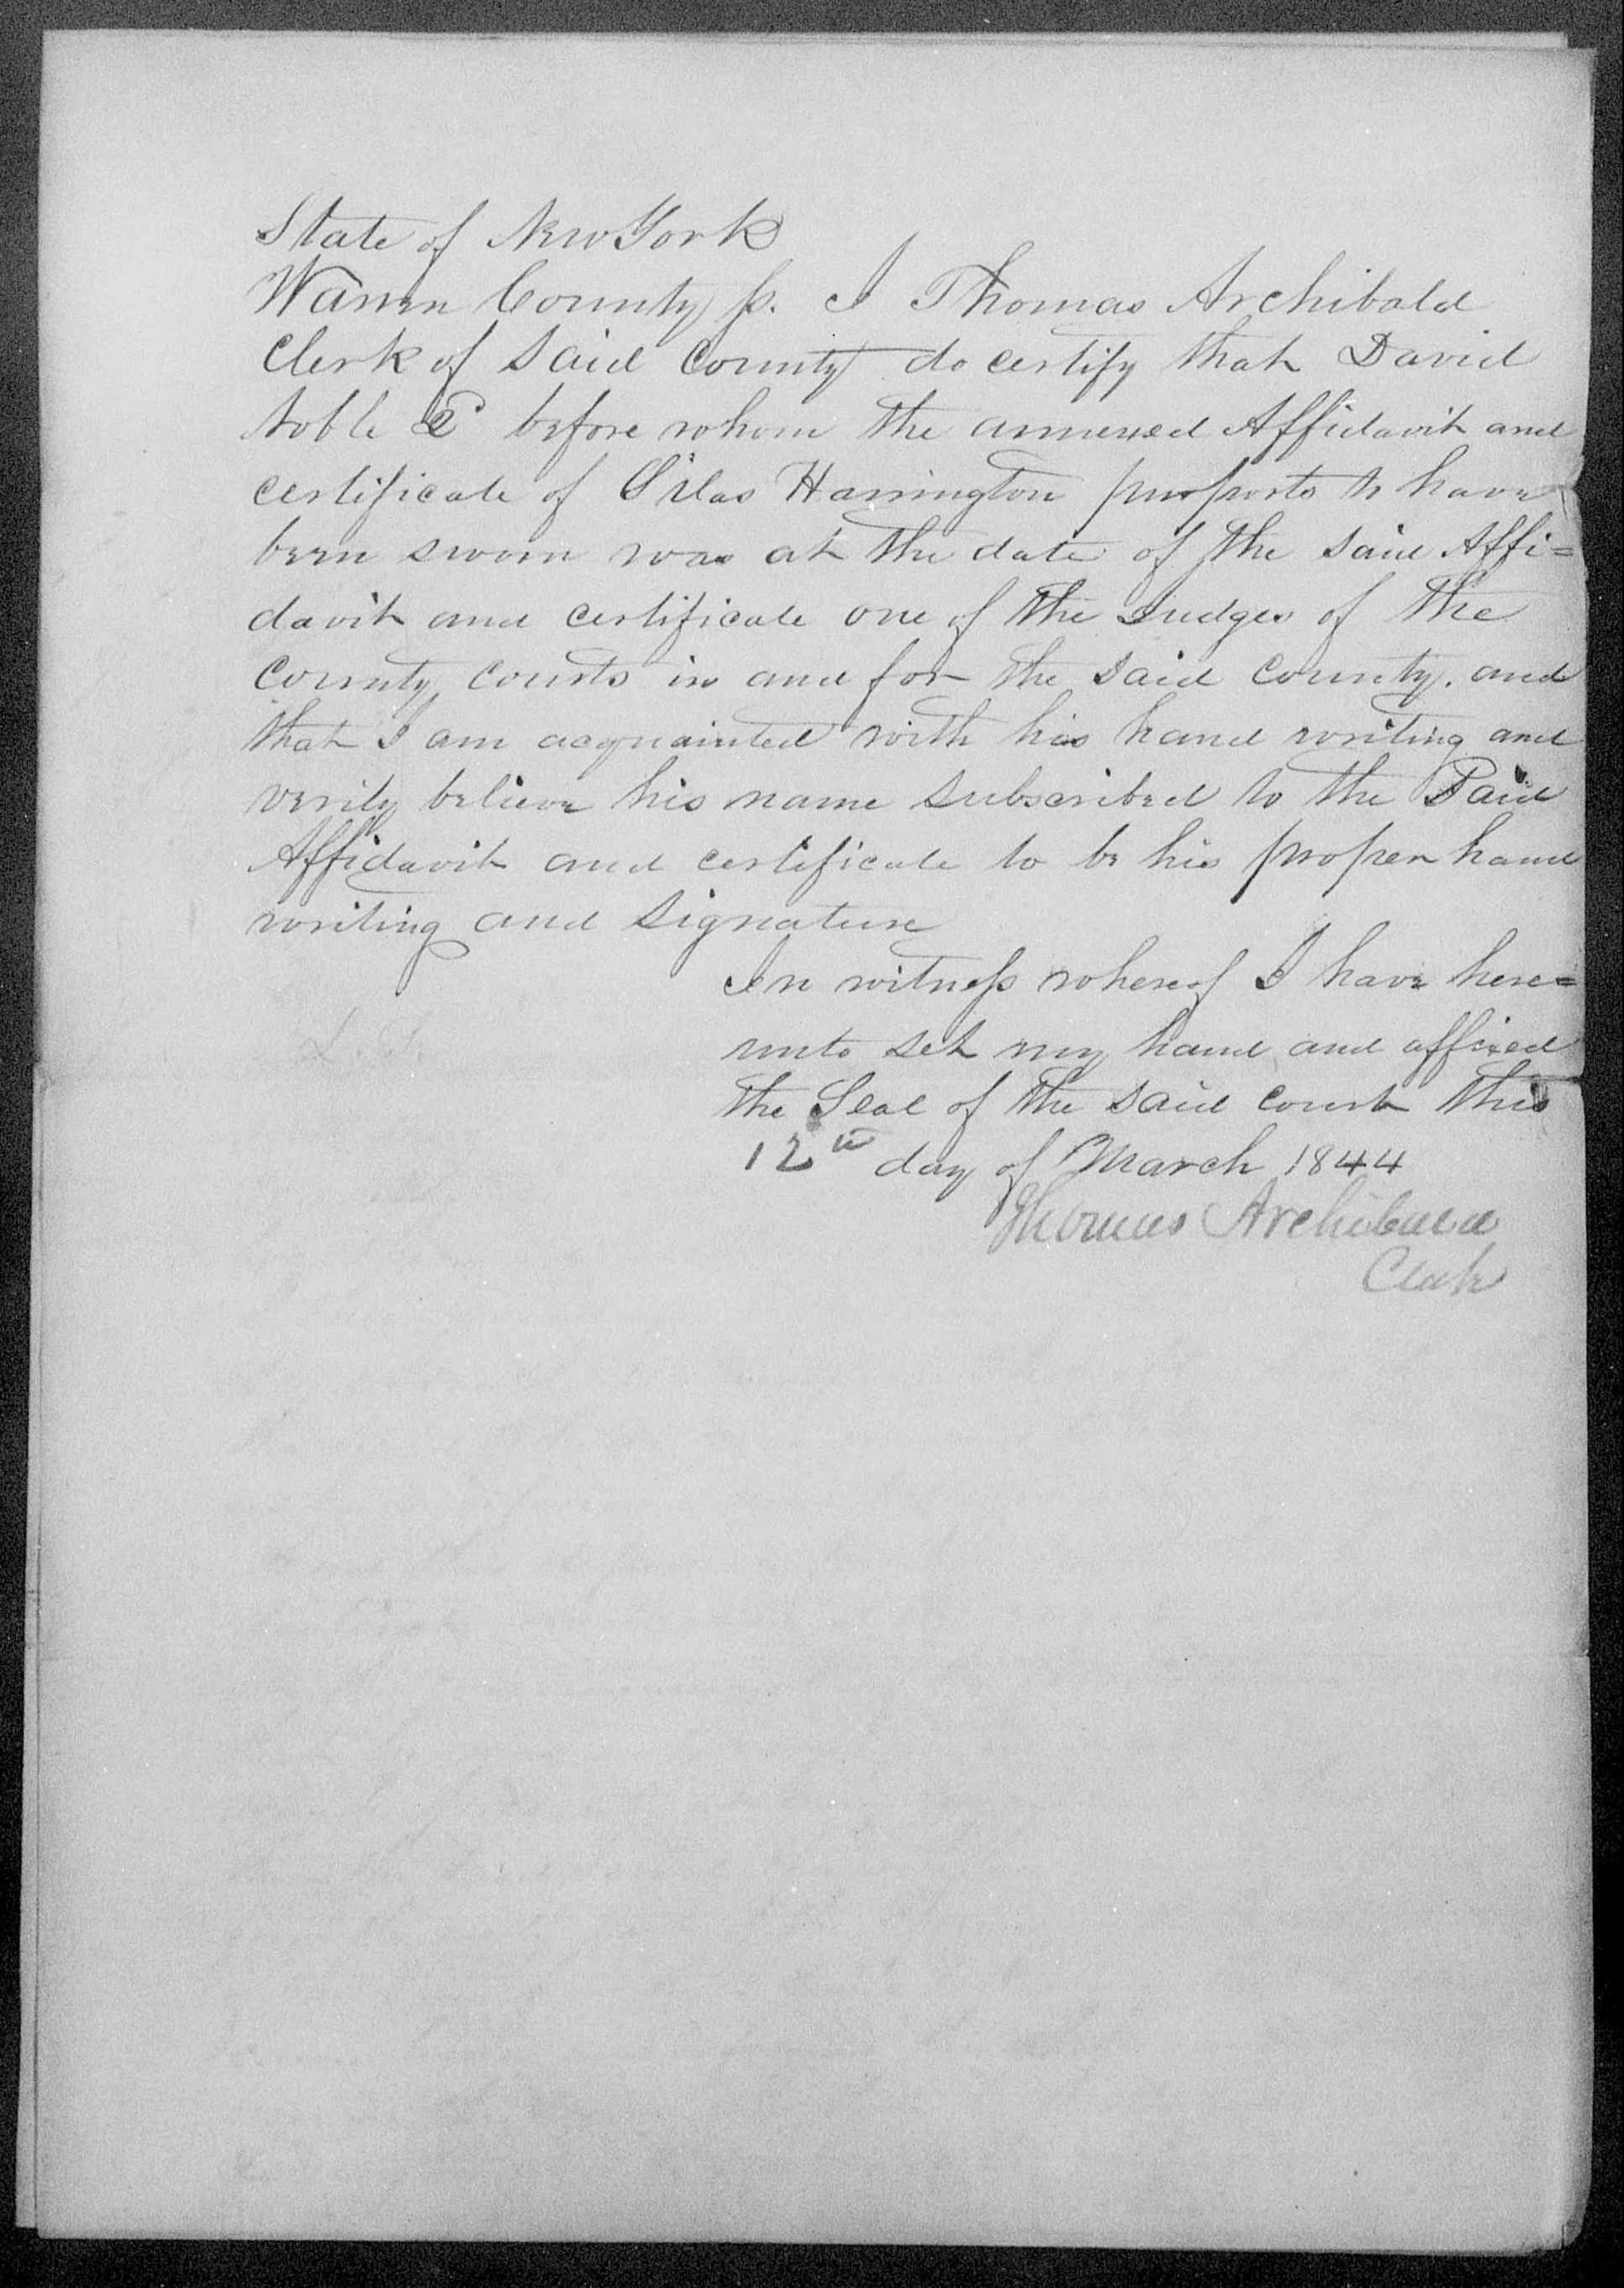State of New York
Warren County Ss. I Thomas Archibald Clerk of said county do certify that David Noble 2d before whom the annexed Affidavit and certificate of Silas Harrington purports to have been sworn was on the date of the said Affidavit and certificate one of the Judges of the County Courts in and for the said County, and that I am acquainted with this hand writing and verily believe his name subscribed to the Said Affidavit and certificate to be his proper hand writing and signature

In witness whereof I have hereunto set my hand and affixed the Seal of the said court this 12th day of March 1844

Thomas Archibald Clerk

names: Silas Harrington, Thomas Archibald, David Noble, Thomas Archibald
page: 11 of 51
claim: widow's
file: W. 19,026, Israel Harrington, R.I.